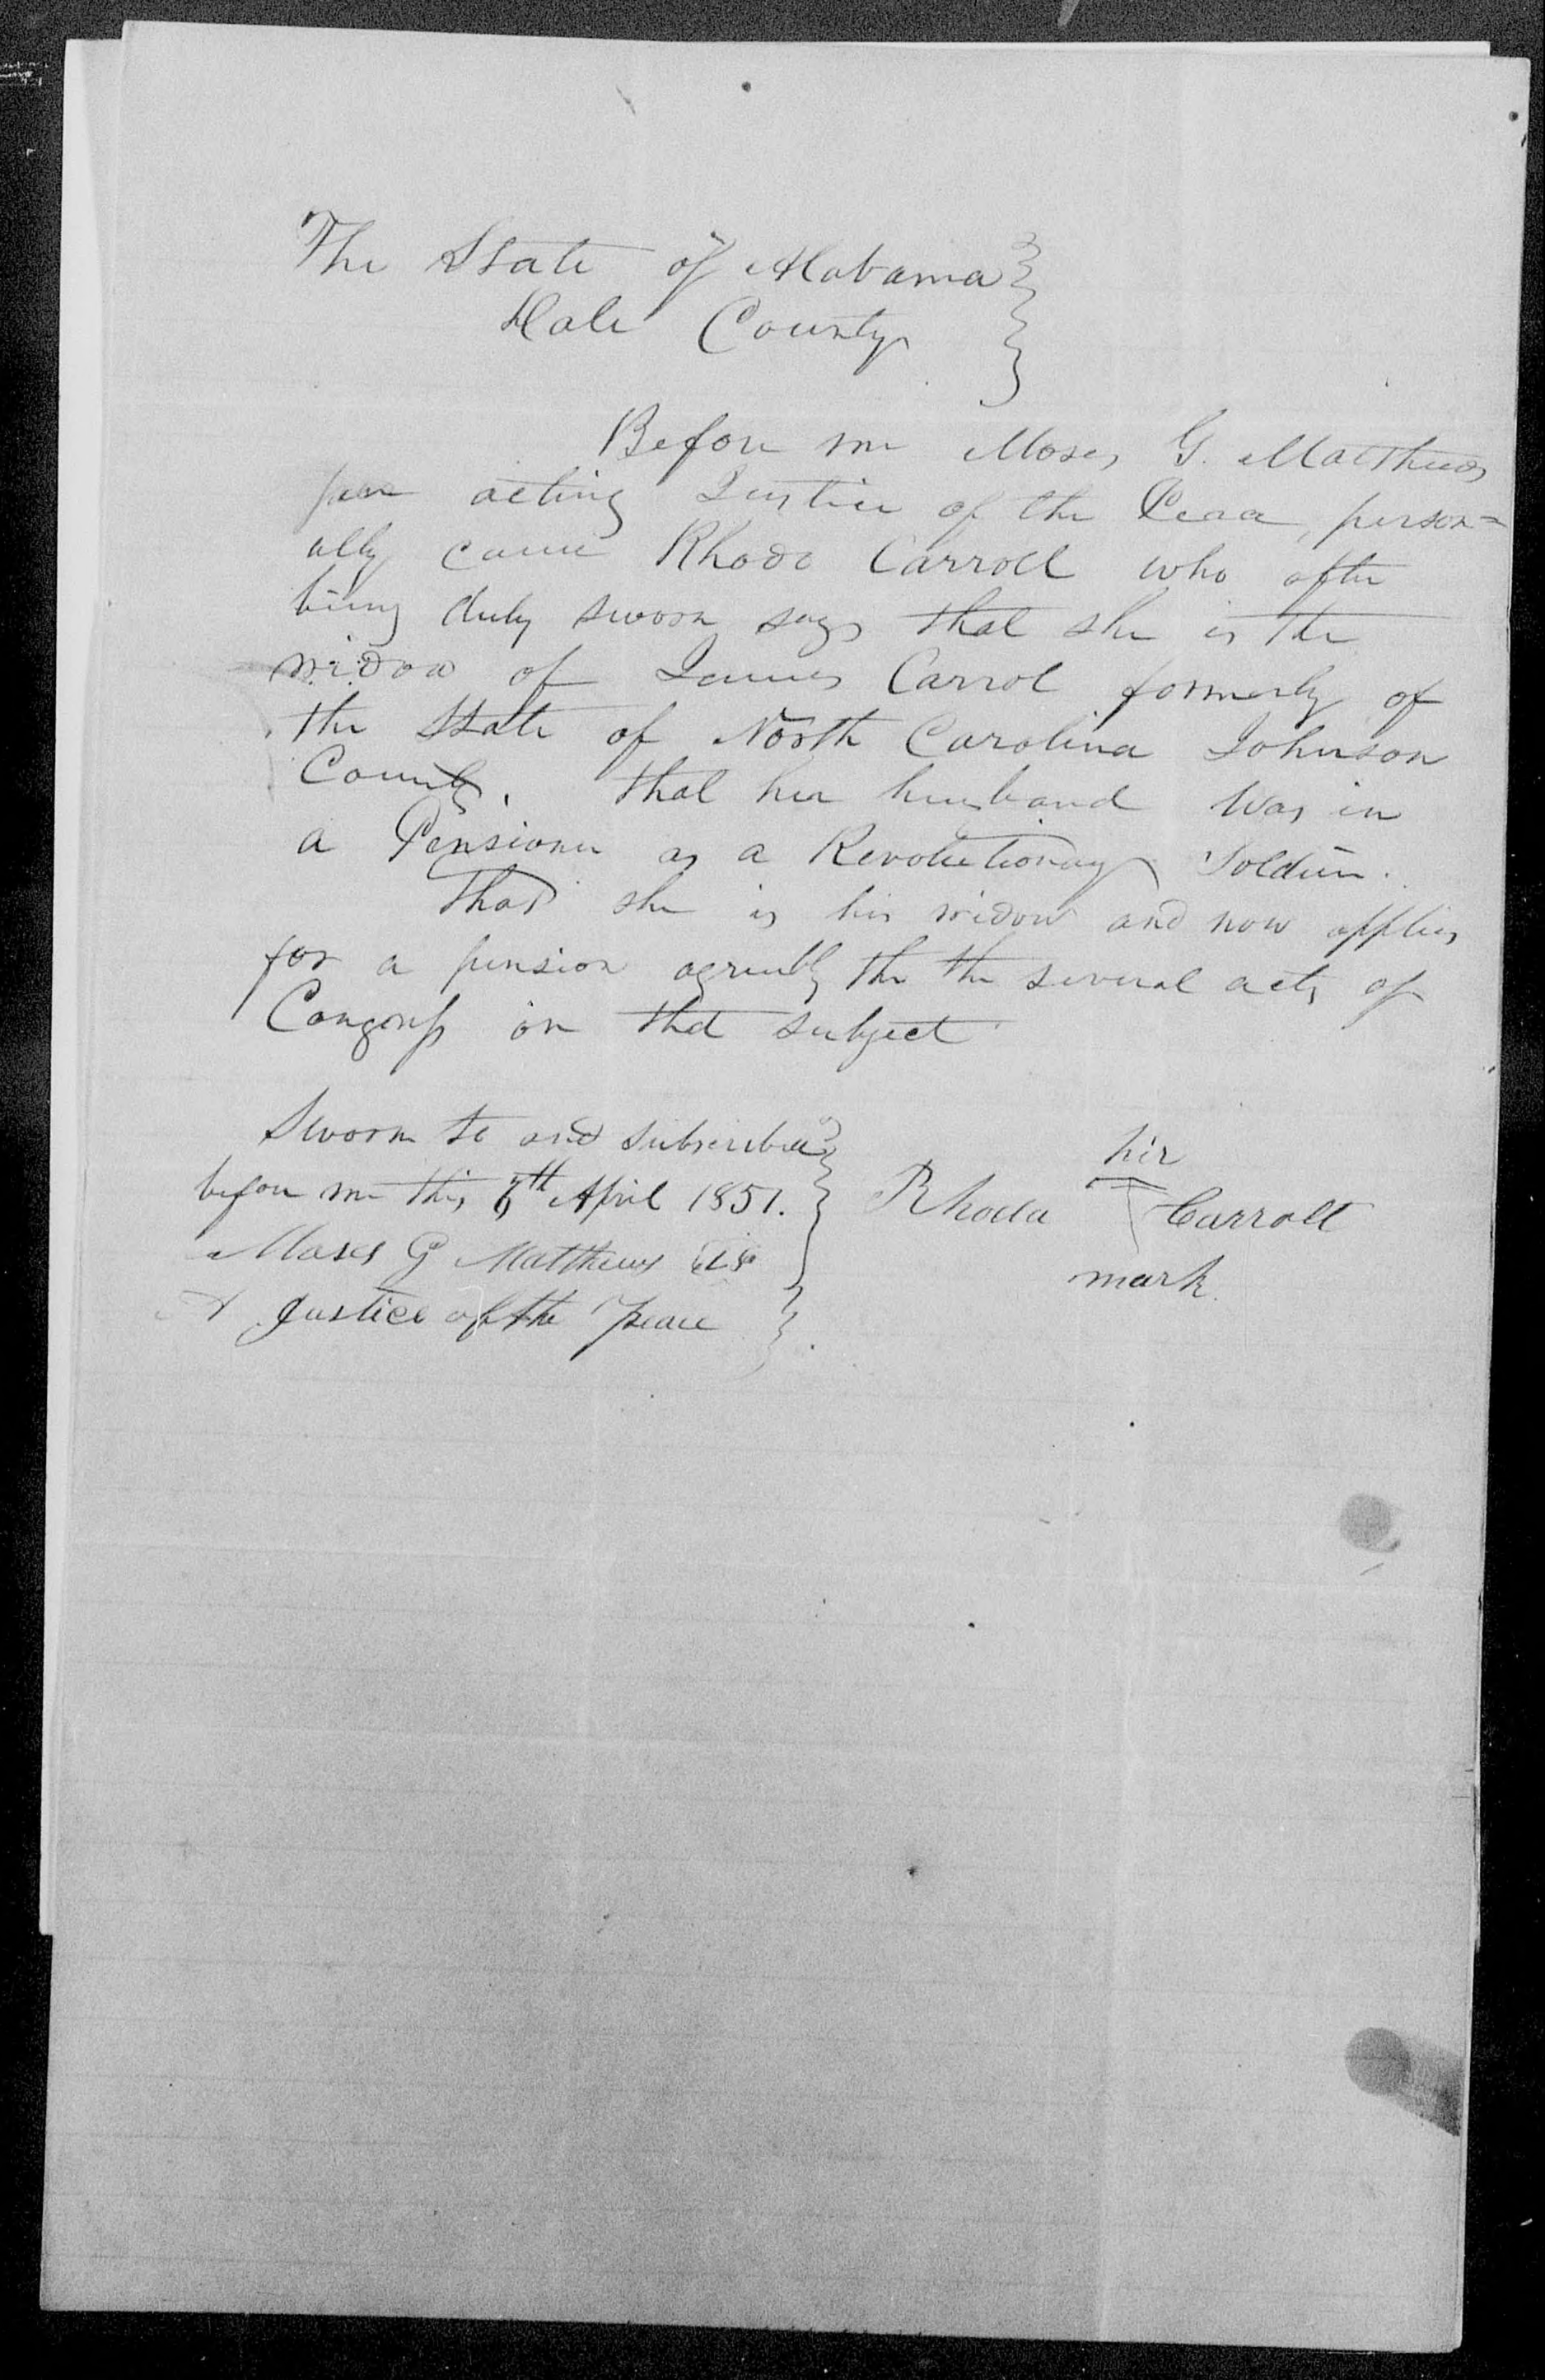The State of Alabama 
Dale County}

Before e Moses G. Matthews an acting Justice of the Peace , personally came Rhoda Carroll who after being duly sworn says that she is the widow of James Carrol formerly of the State of North Carolina Johnson County, that her husband was in a pensioner as a Revolutionary soldier. That she is the widow and now applies for a pension [illegible] the the several acts of congress on that subject.
Rhoda Carroll (her mark)
Sworn to and subscribed before me this 6th April 1851. Moses G Matthews Justice of the Peace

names: Moses G Matthews, Rhoda Carroll, Rhoda Carroll, Moses G Matthews, James Carrol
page: 46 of 86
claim: widow's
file: W. 6899, James Carrell, N.C.